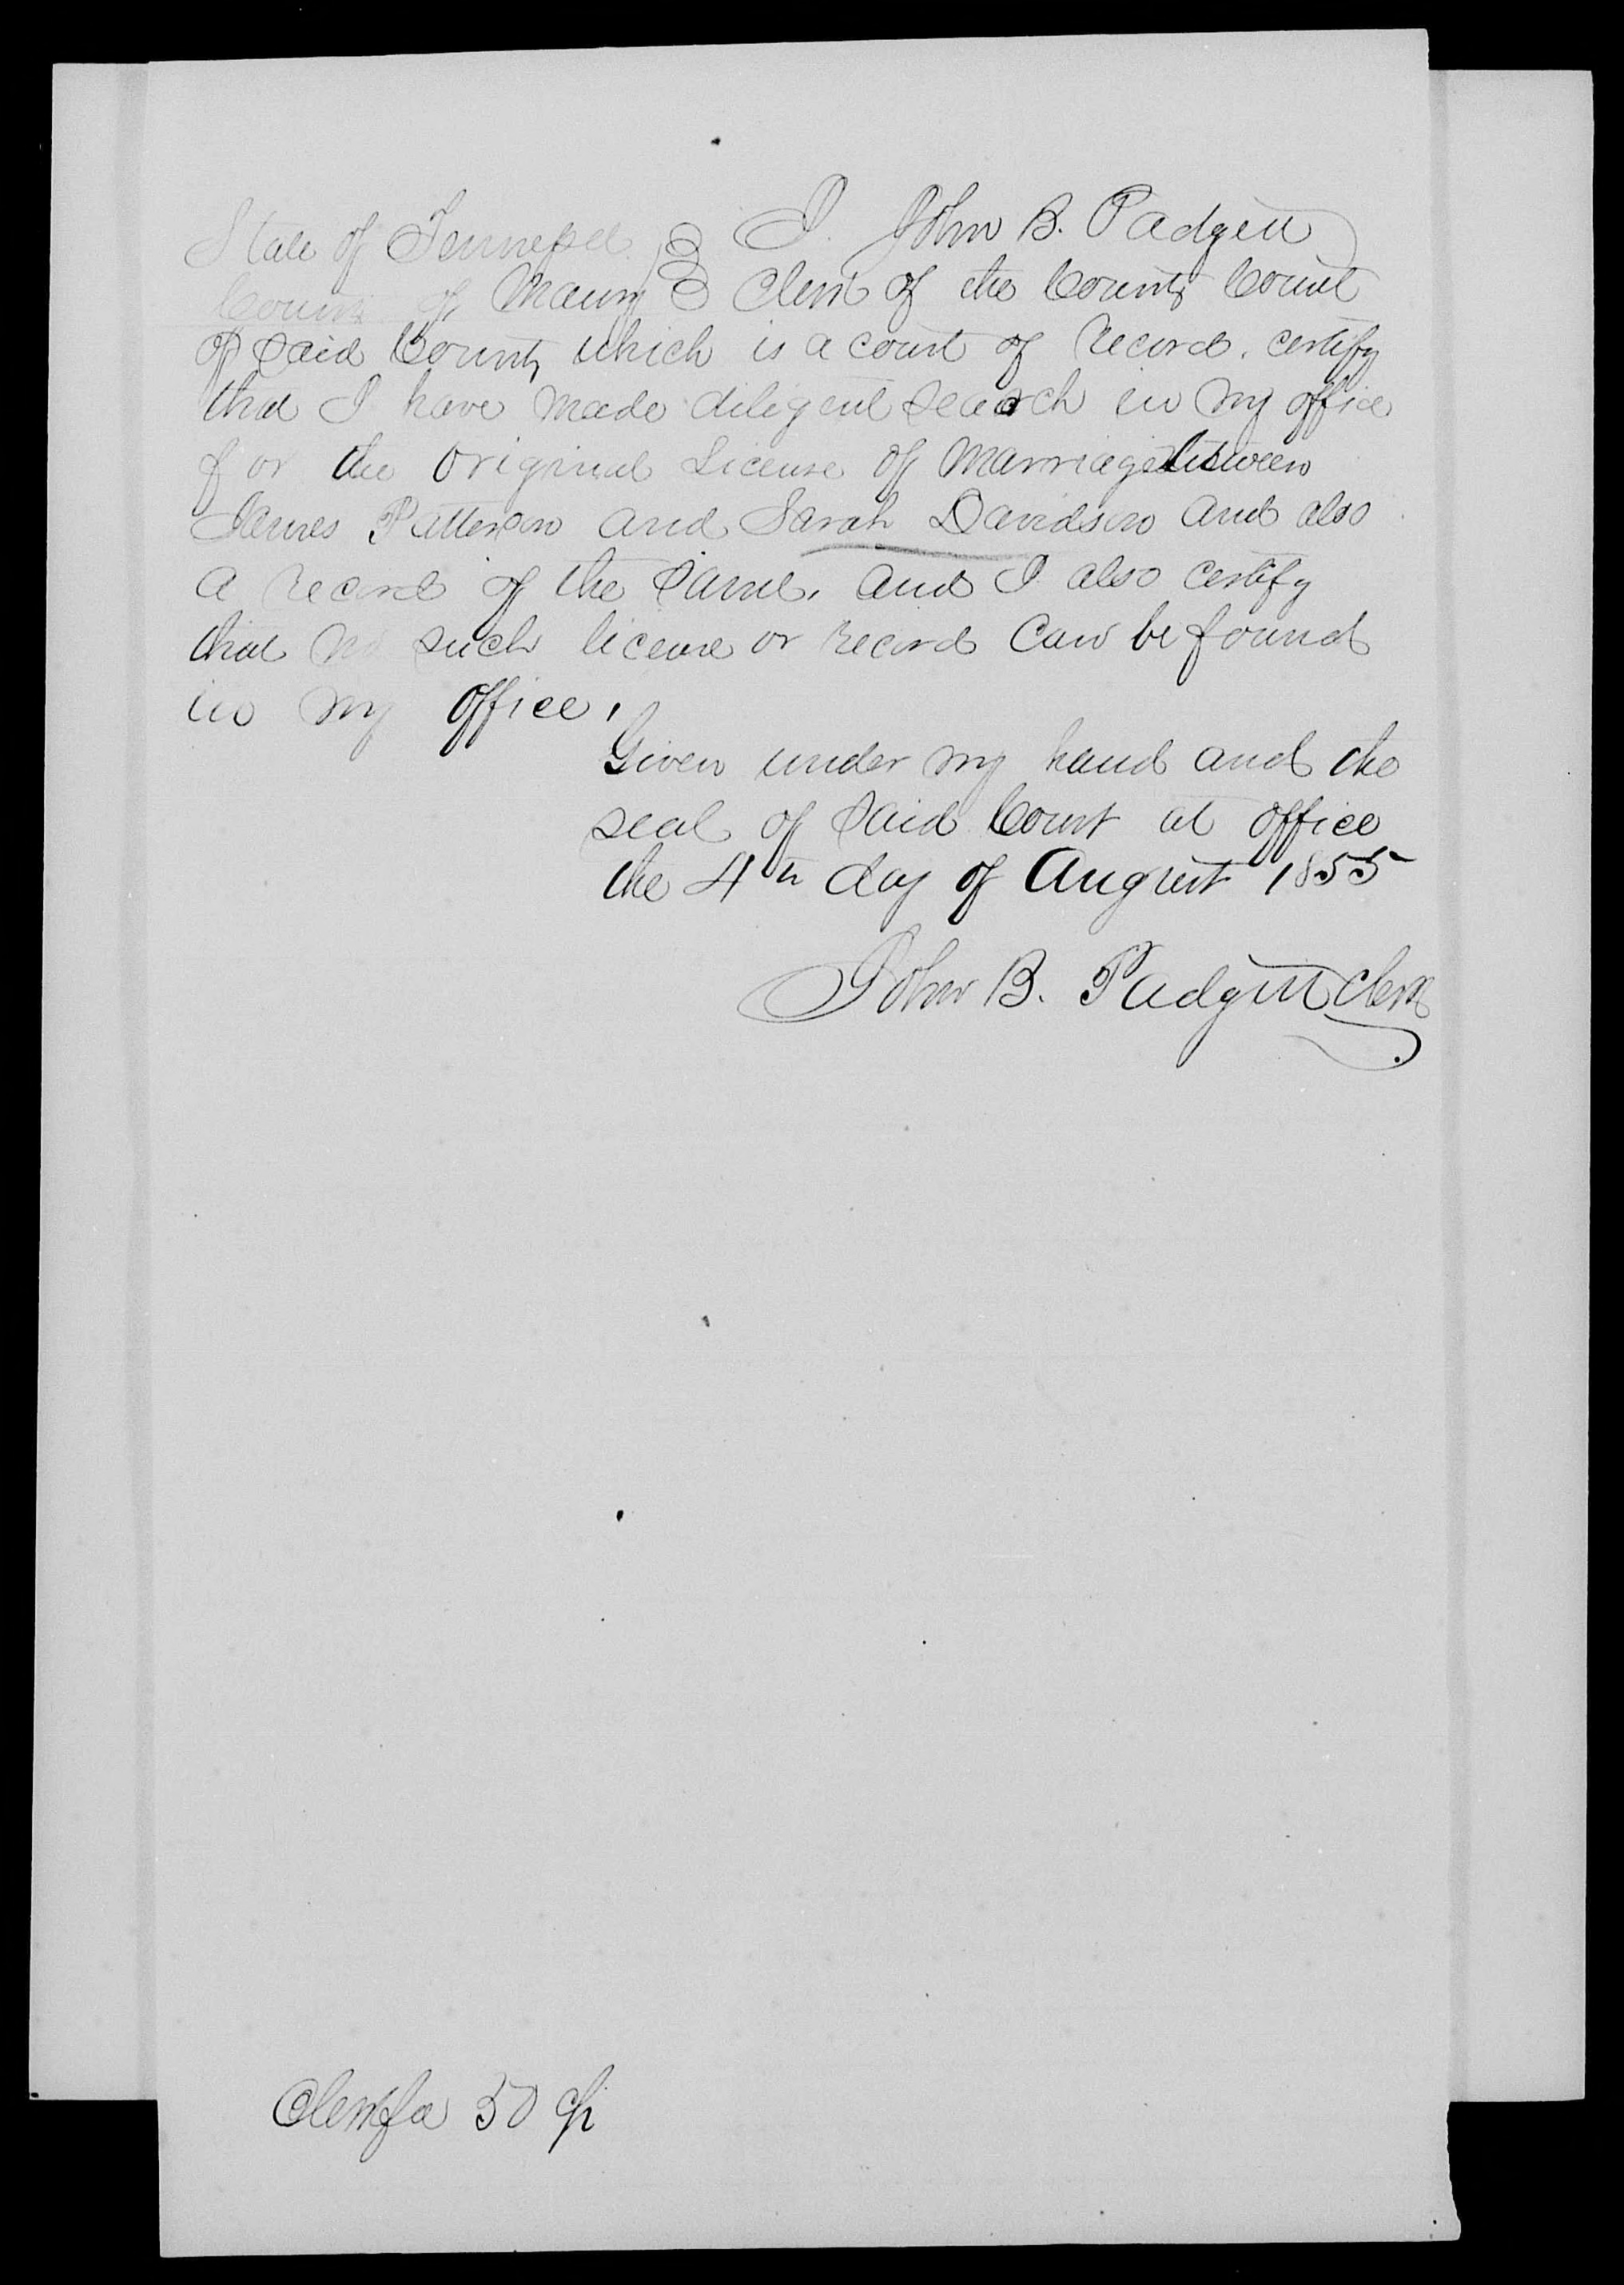State of Tennessee } I John B. Padgett
County of Maury     } Clerk of the County Court
of said County which is a Court of record, certify that I have made diligent search in my office for the original License of marriage between James Patterson and Sarah Davidson and also a record of the same, and I also certify that no such license or record can be found in my office.
Given under my hand and the Seal of said Court at Office the 4th day of August 1855 
John B. Padgett Clerk

@lenfa 50 cfr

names: John B Padgett; Sarah Davidson; James Patterson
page: 37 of 69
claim: widow's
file: W. 10861, for James Patterson, North Carolina